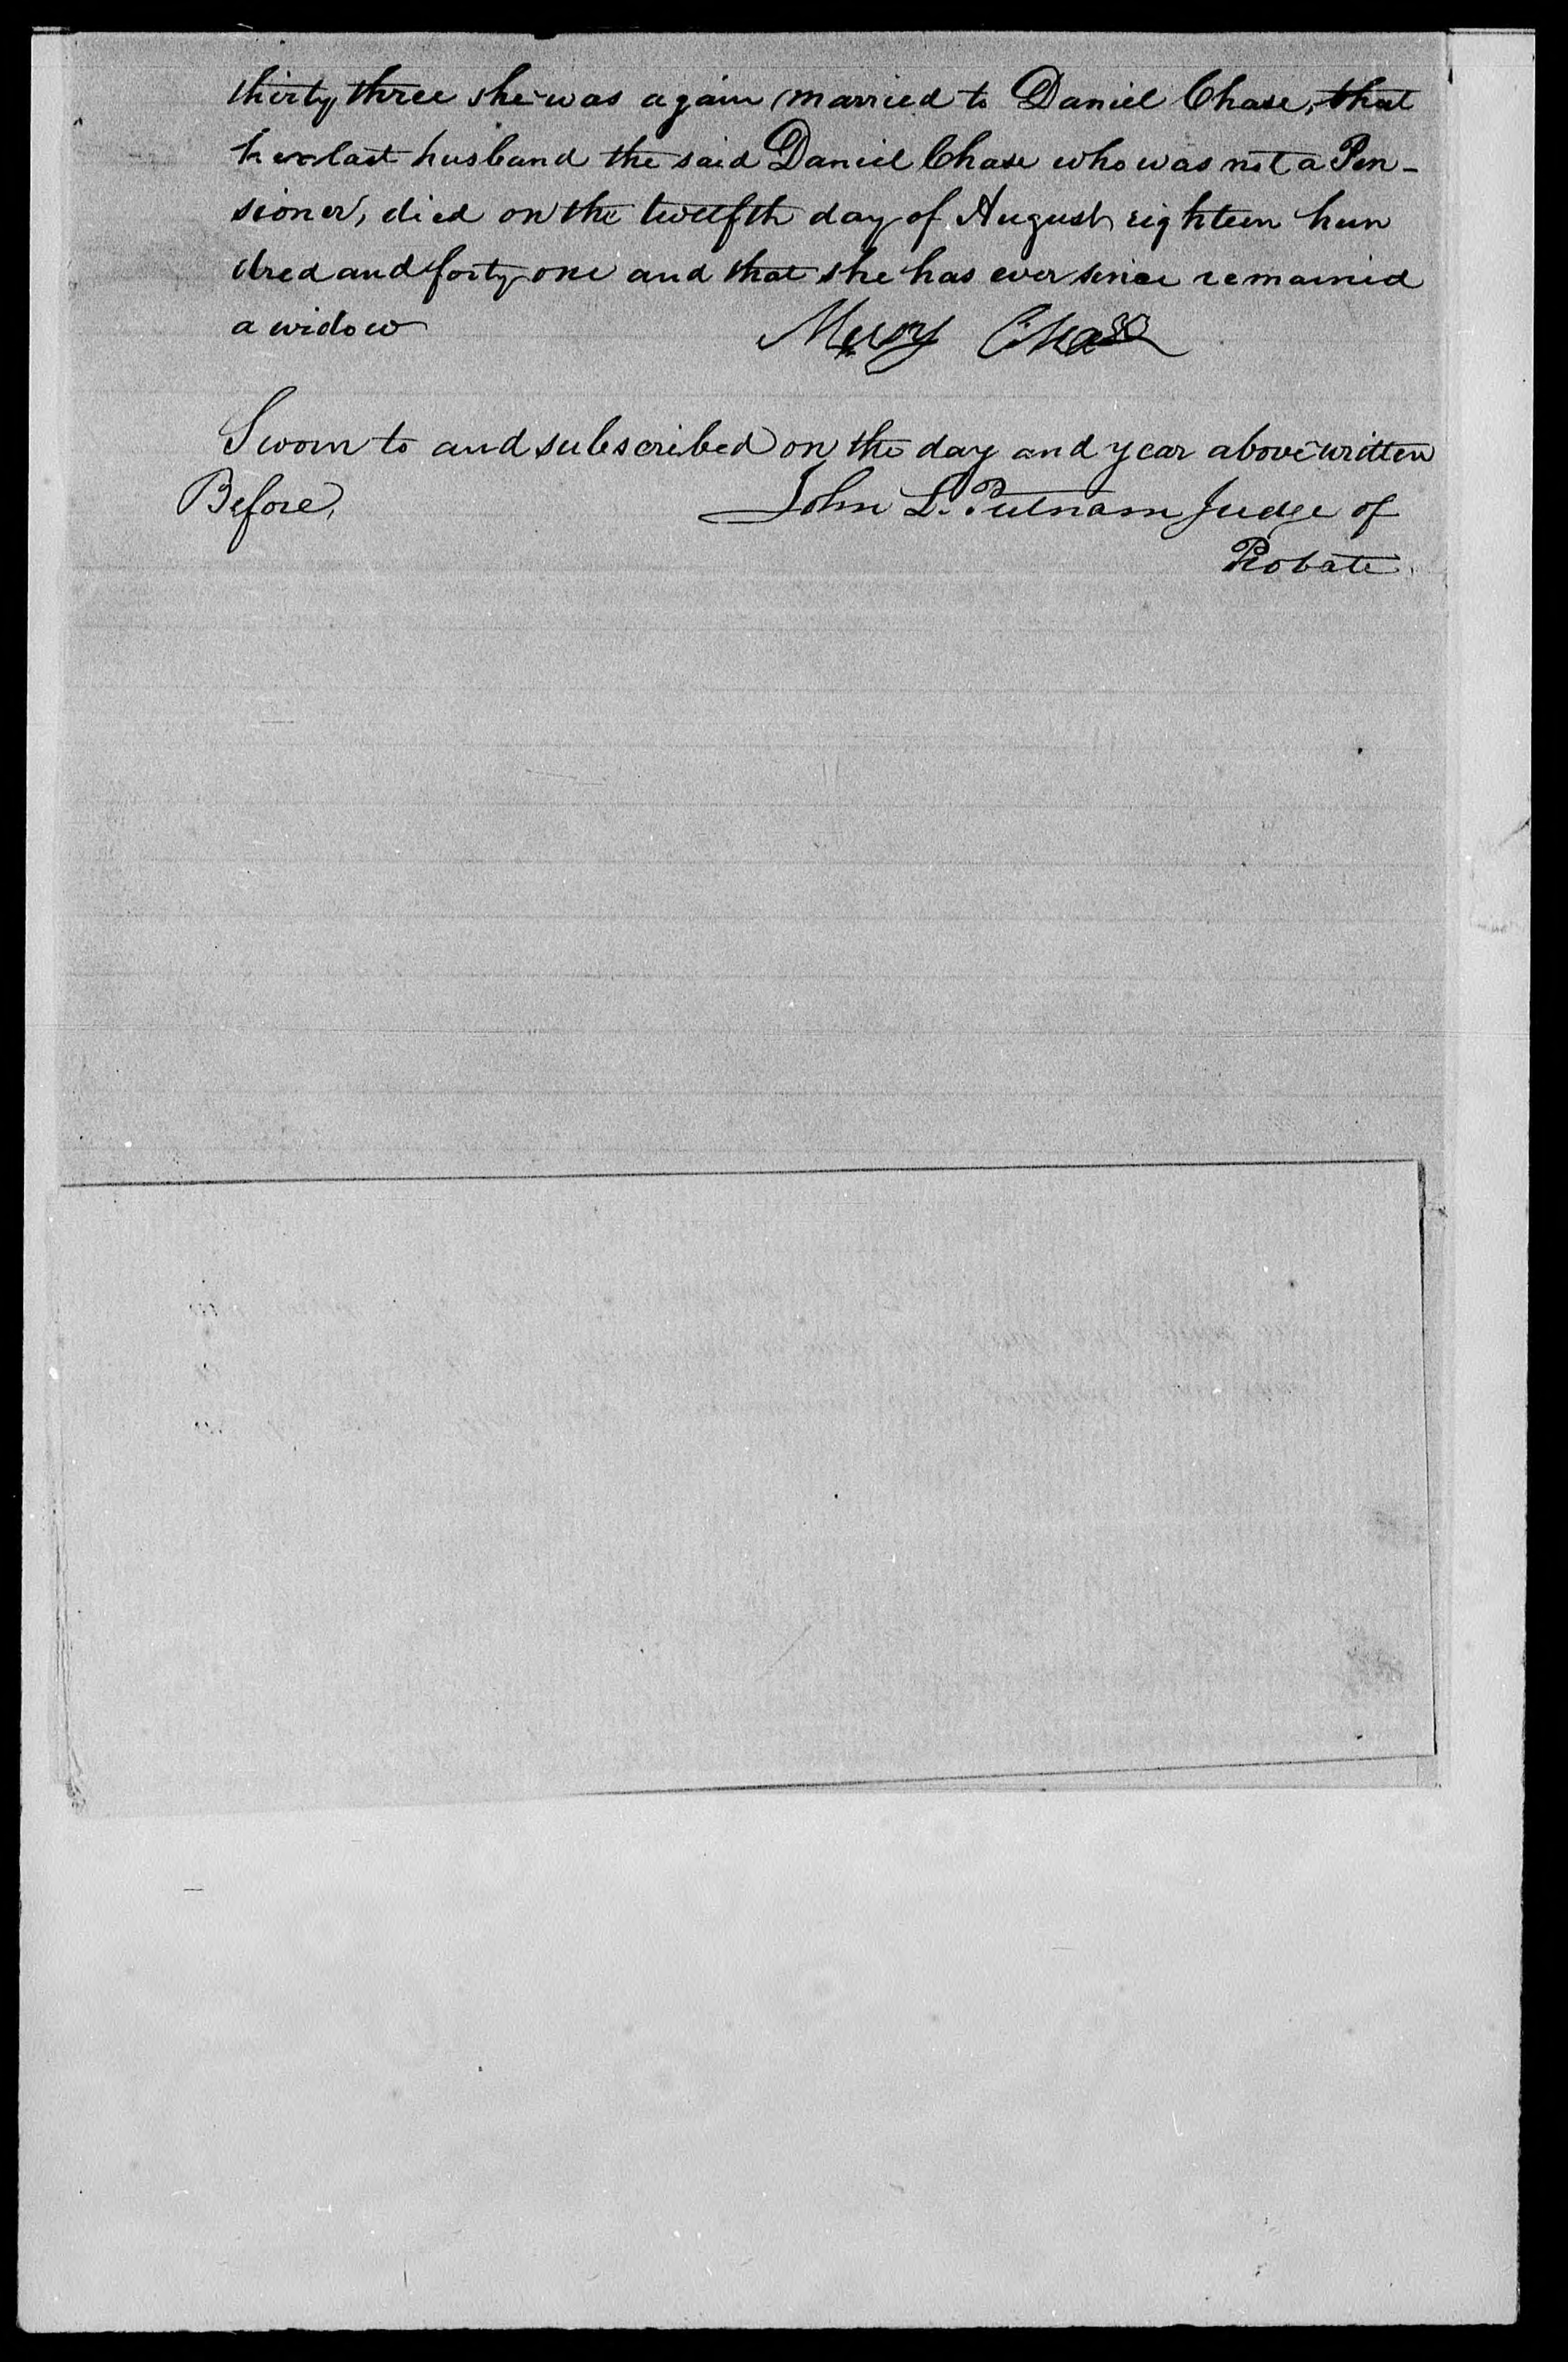thirty three she was again married to Daniel Chase, that her last husband the said Daniel Chase who was not a Pensioner, died on the twelfth day of August eighteen hundred and forty one and that she has ever since remained a widow.
[signed] Mary Chase

Sworn to and subscribed on the day and year above written
Before,  [signed] John L. Putnam Judge of Probate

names: Daniel Chase, John L Putnam, Mary Chase, Daniel Chase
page: 8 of 43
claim: widow's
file: W 683, John Daniels, Continental Mass. N.H.